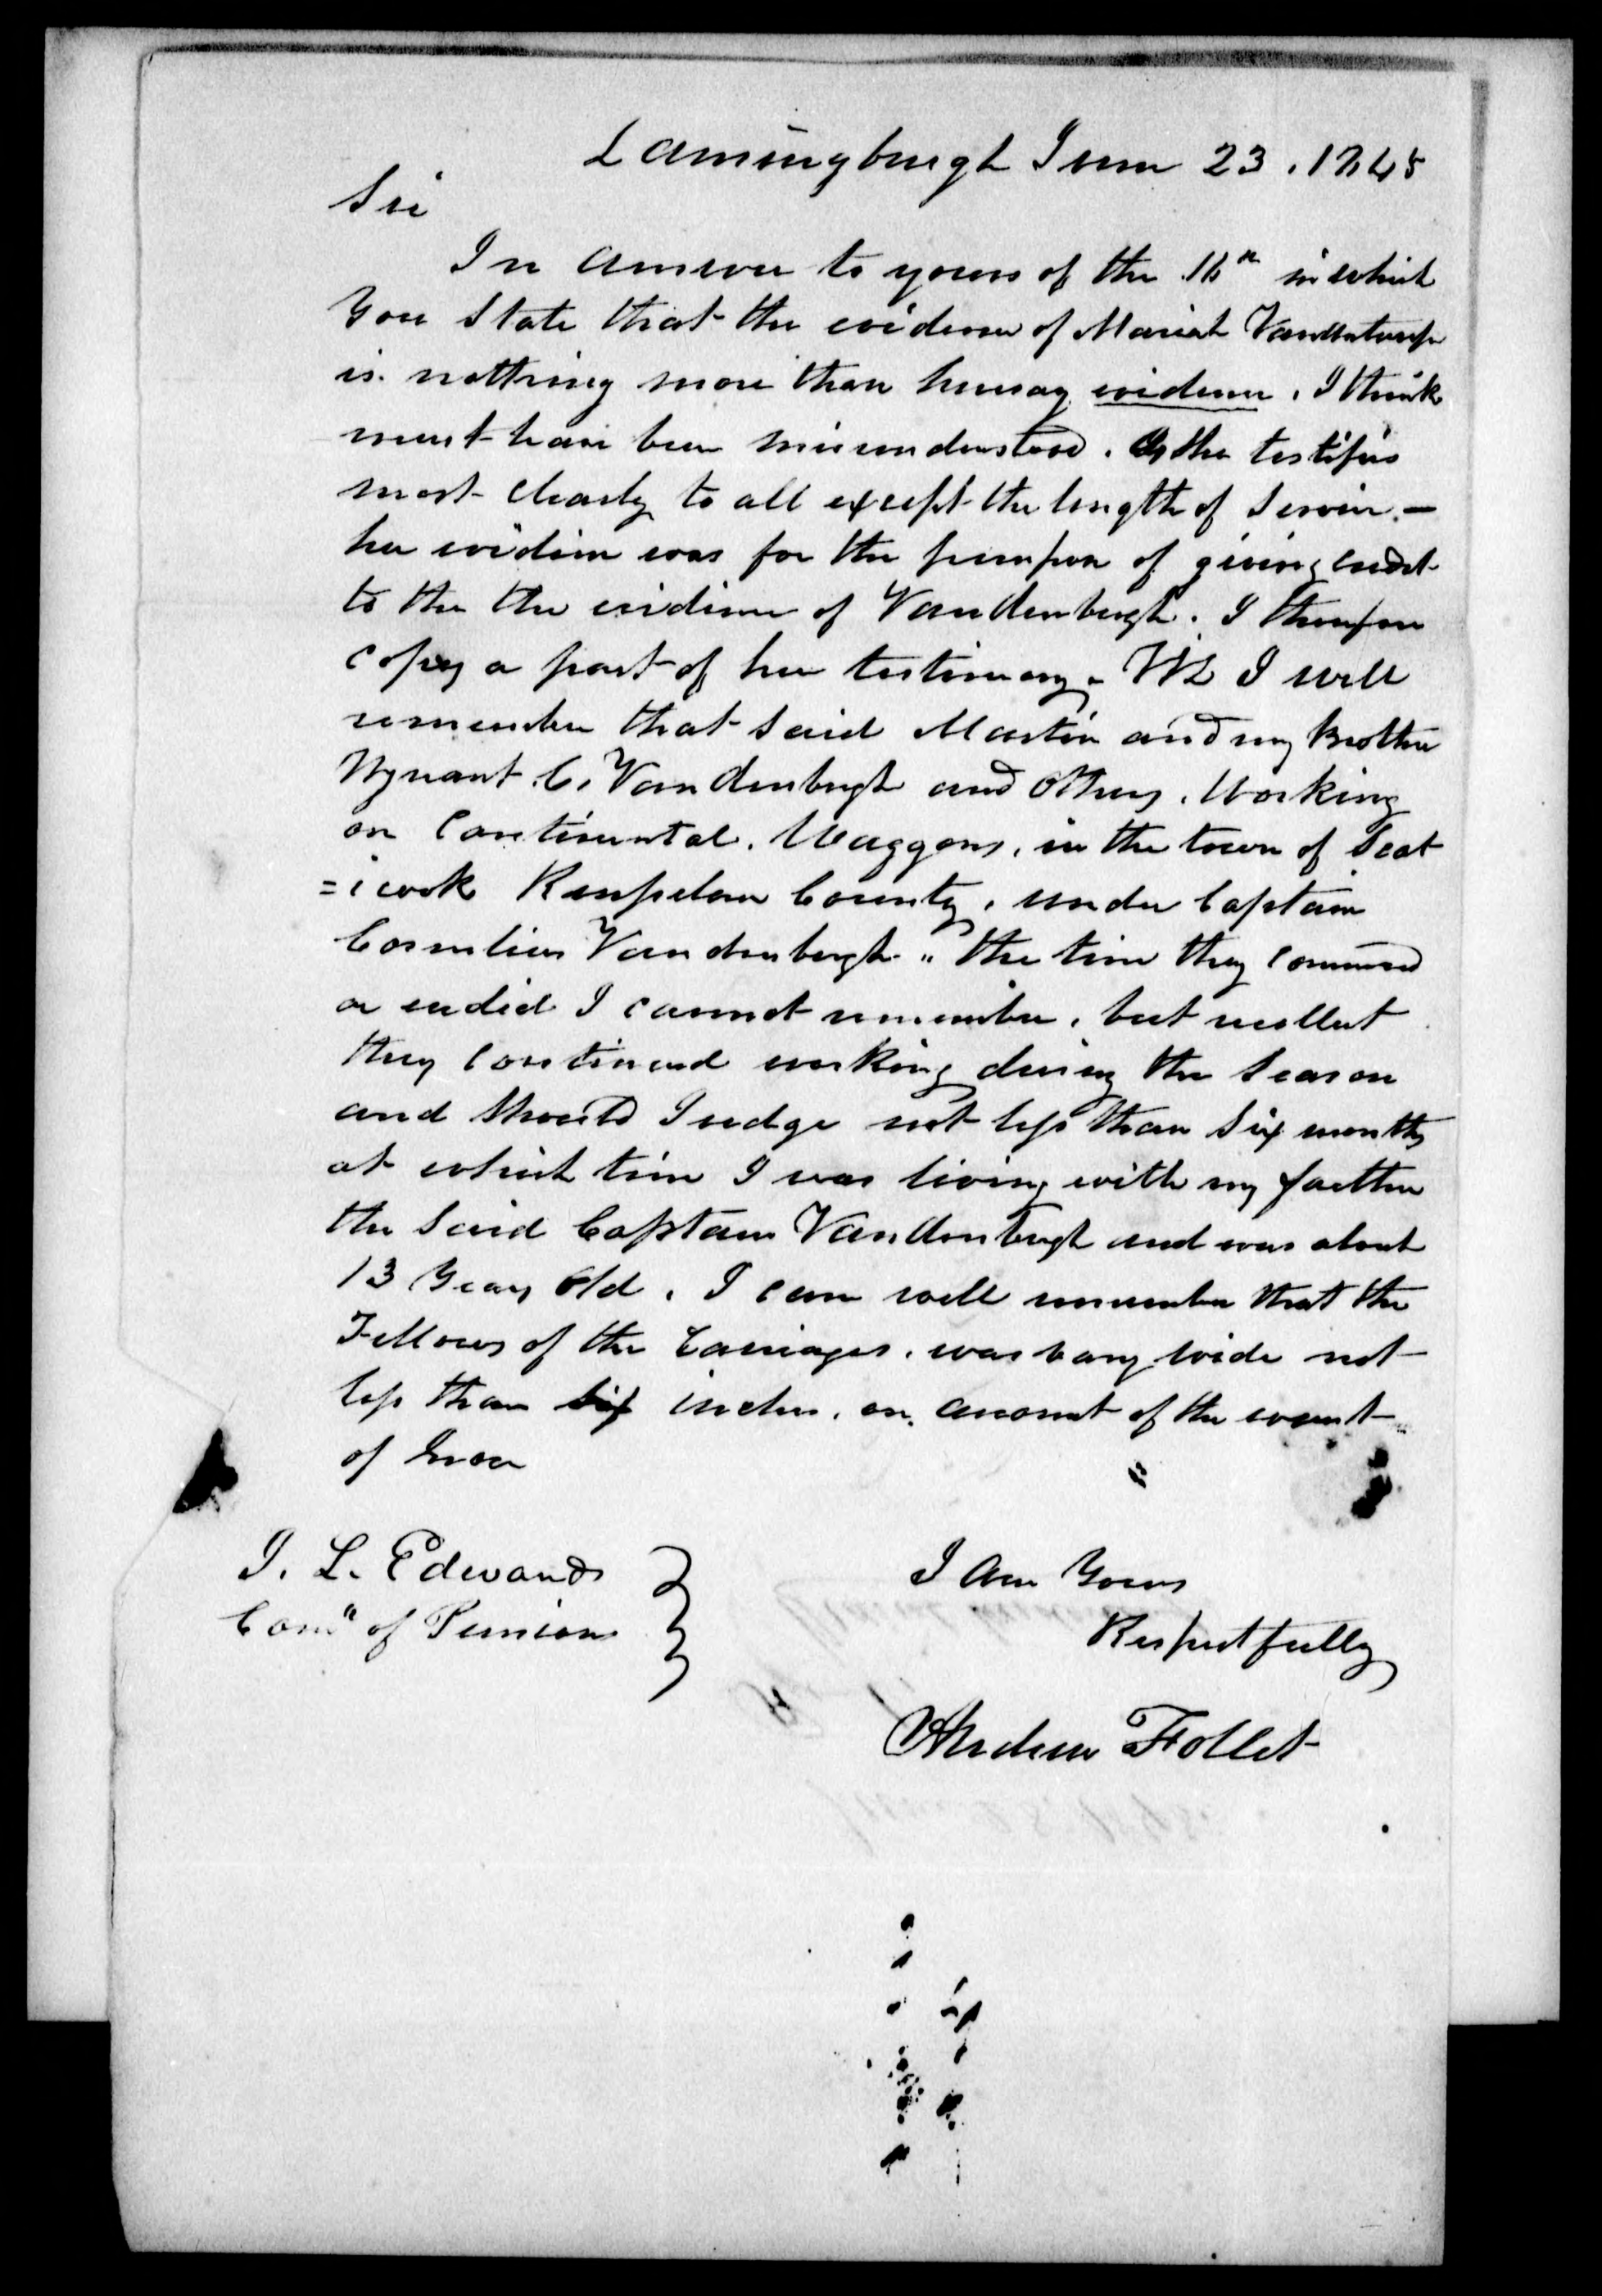Lansingburgh June 23, 1845

Sir
In answer to yours of the 16th in which You state that the evidence of Mariah Vanantwerp
nothing more than heresay evidence [evidence is underlined]. I think must have been misunderstood, She testifies most clearly to all except the length of service. - her evidence was for the purpose of giving [illegible] to the the evidence of Vandenburgh.  I therefore copy a part of her testimony, Viz I well
remember that said Martin and my Brother
Wynant C. Vandenburgh and others, Working
on Continental. Waggons, in the town of Scaticook [Schaghticoke] Rensselaer County, under Captain Cornelius Vandenburgh the time they comensed or enlisted I cannot remember, but recollect they continued working during the season and should judge not less than six months at which time I was living with my father the said Captain Vandenburgh and was about 13 years old, I can well remember that the Fellows of the Carriages was very wide not
less than six inches on account of the want
of Iron
I am Yours Respectfully
Andrew Follet [signature]

J. L. Edwards
Comr of Pensions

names: Cornelius Vandenbergh, Vandenbergh, Andrew Follet, Vandenbergh, Wynant C Vandenbergh, Mariah Vanantwerp, J L Edwards, Martin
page: 62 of 70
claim: rejected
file: R. 10,832, Martin Van Buskirk, New York.